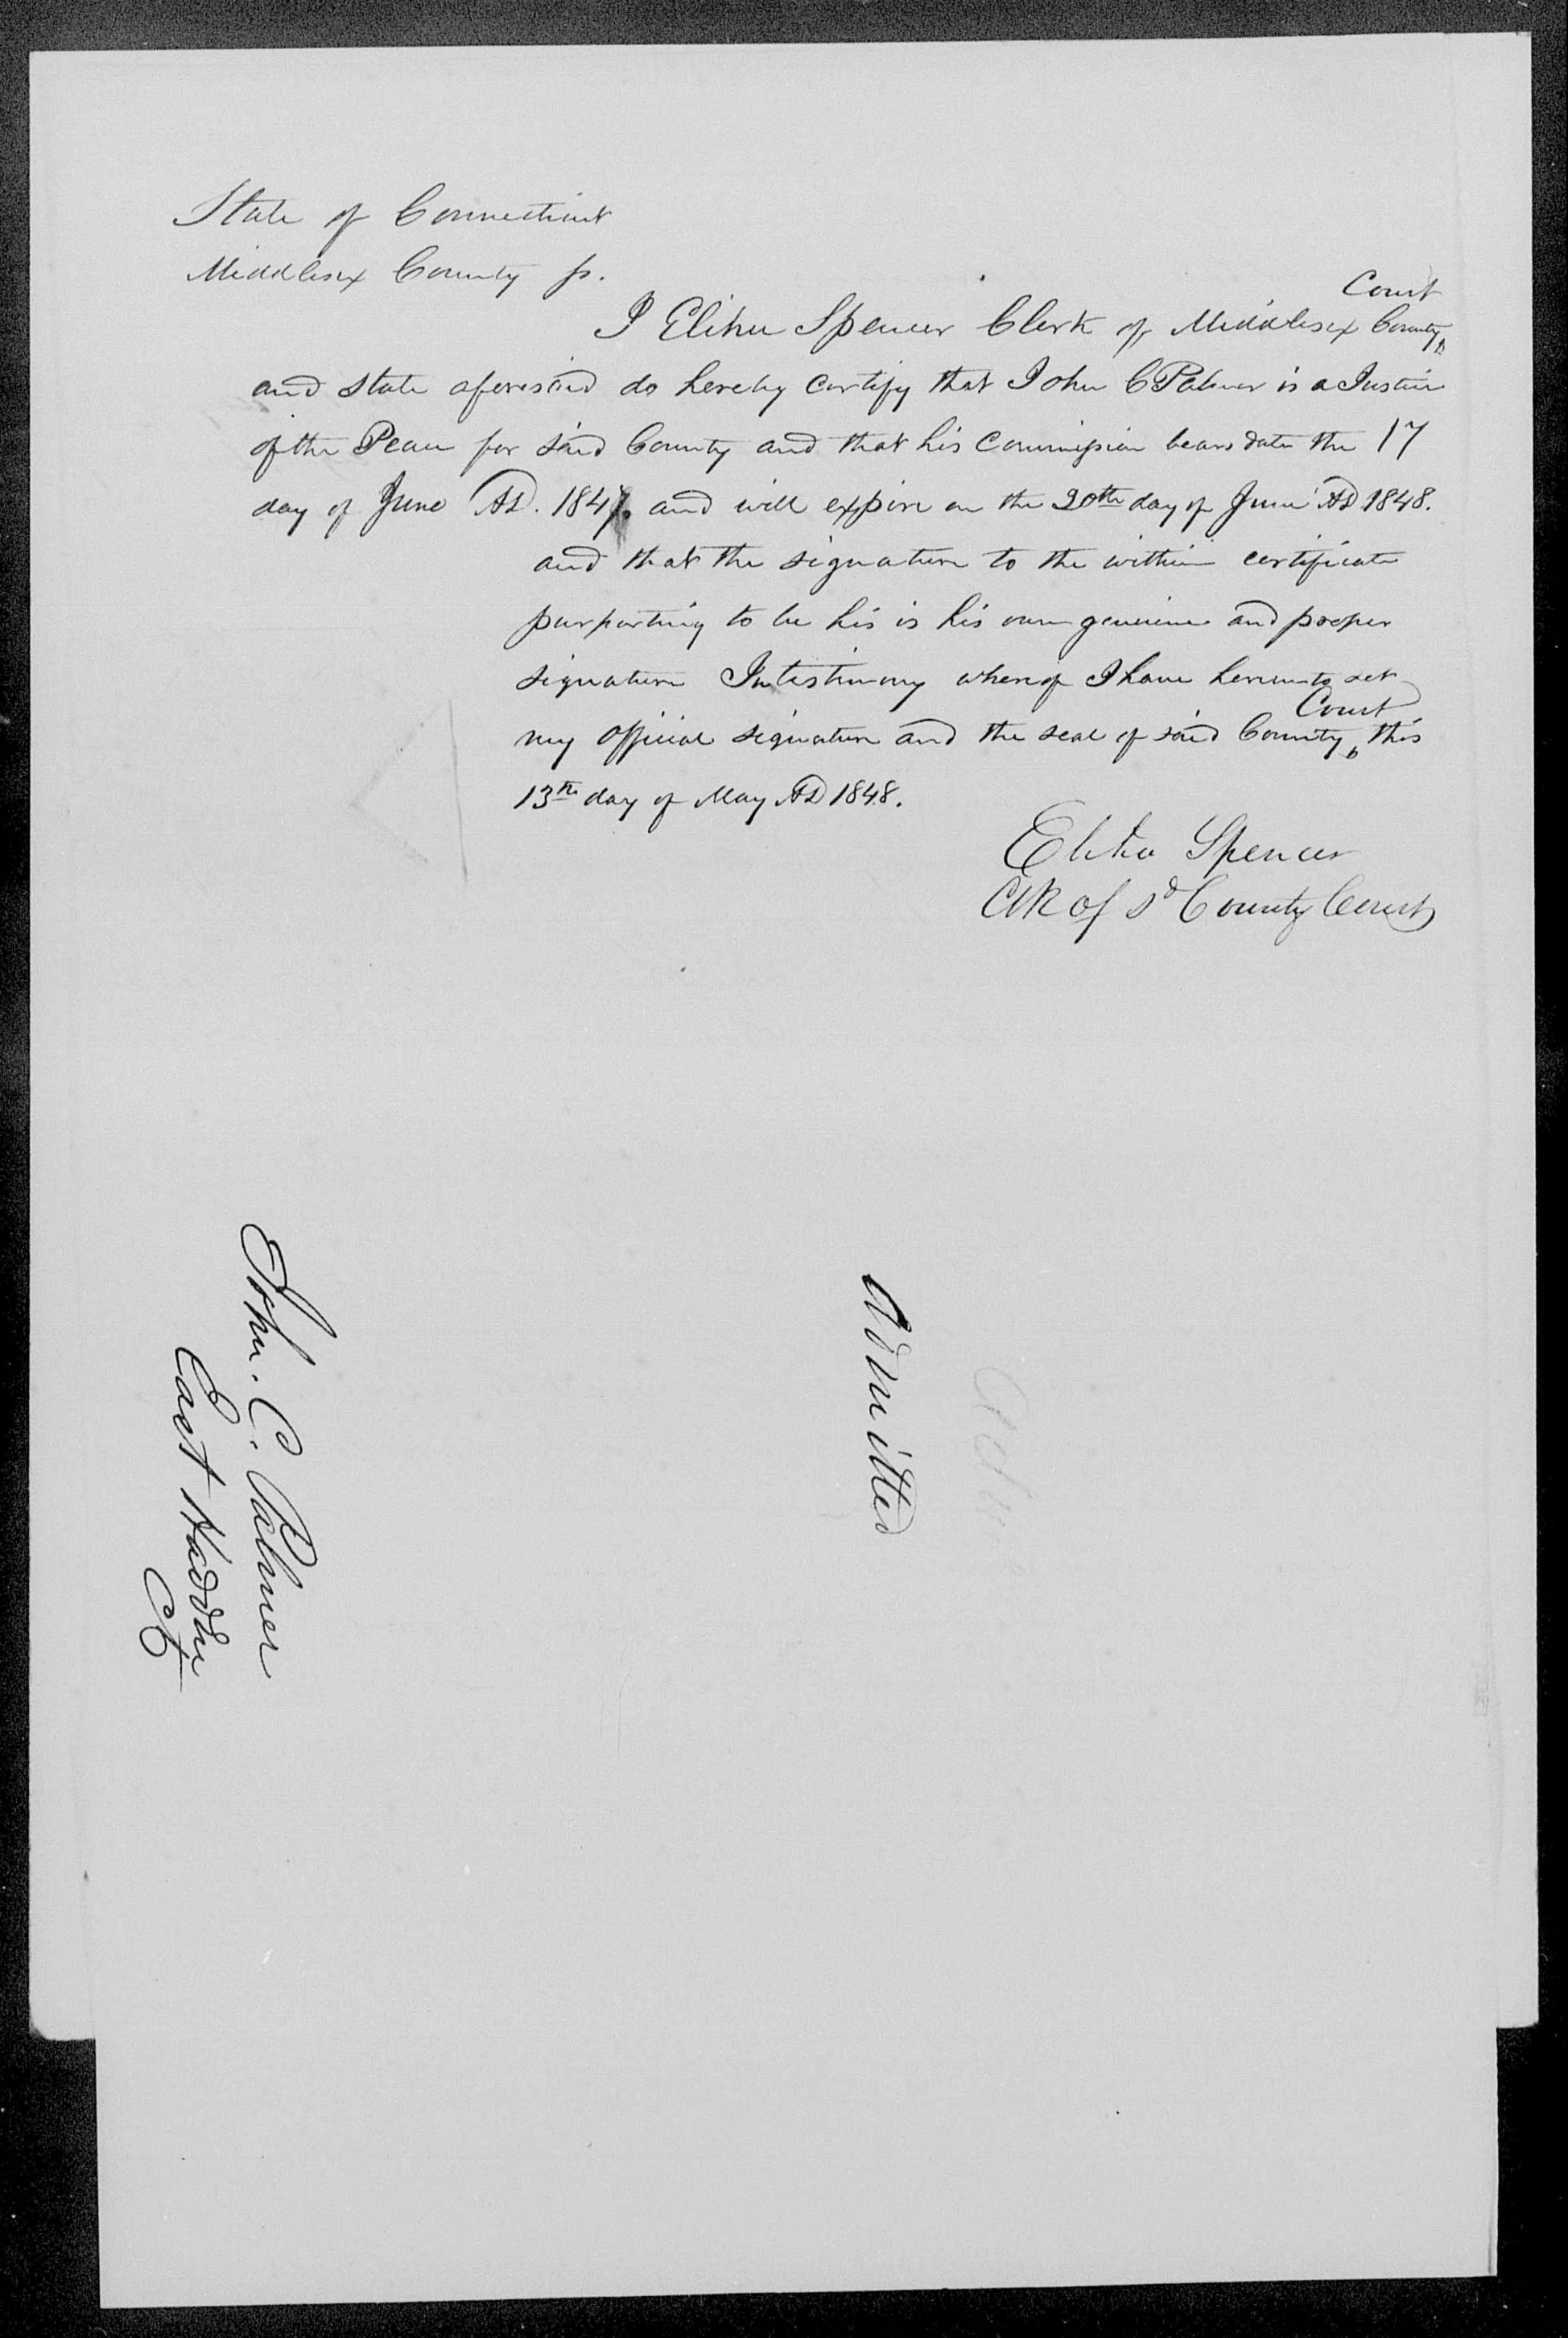State of Connecticut
Middlesex County ss I Elihu Spencer Clerk of Middlesex County ^Court^
and State aforesaid do hereby certify that John C Palmer is a Justice of the Peace for said County and that his commission bears date the 17 day of June AD. 1847 and will expire on the 20th day of June AD 1848. and that the signature to the within certificate purporting to be his is his own genuine and proper signature. In testimony whereof I have hereunto set my official signature and the seal of said County ^Cout^ this 13th day of May AD 1848
[signature] Elihu Spencer
Clk of s'd County Court

Admitted
John C. Palmer
East Haddam Ct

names: Elihu Spencer, John C Palmer, John C Palmer, Elihu Spencer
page: 19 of 25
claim: widow's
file: W. 23,671, Bezaleel Brainard, Conn.